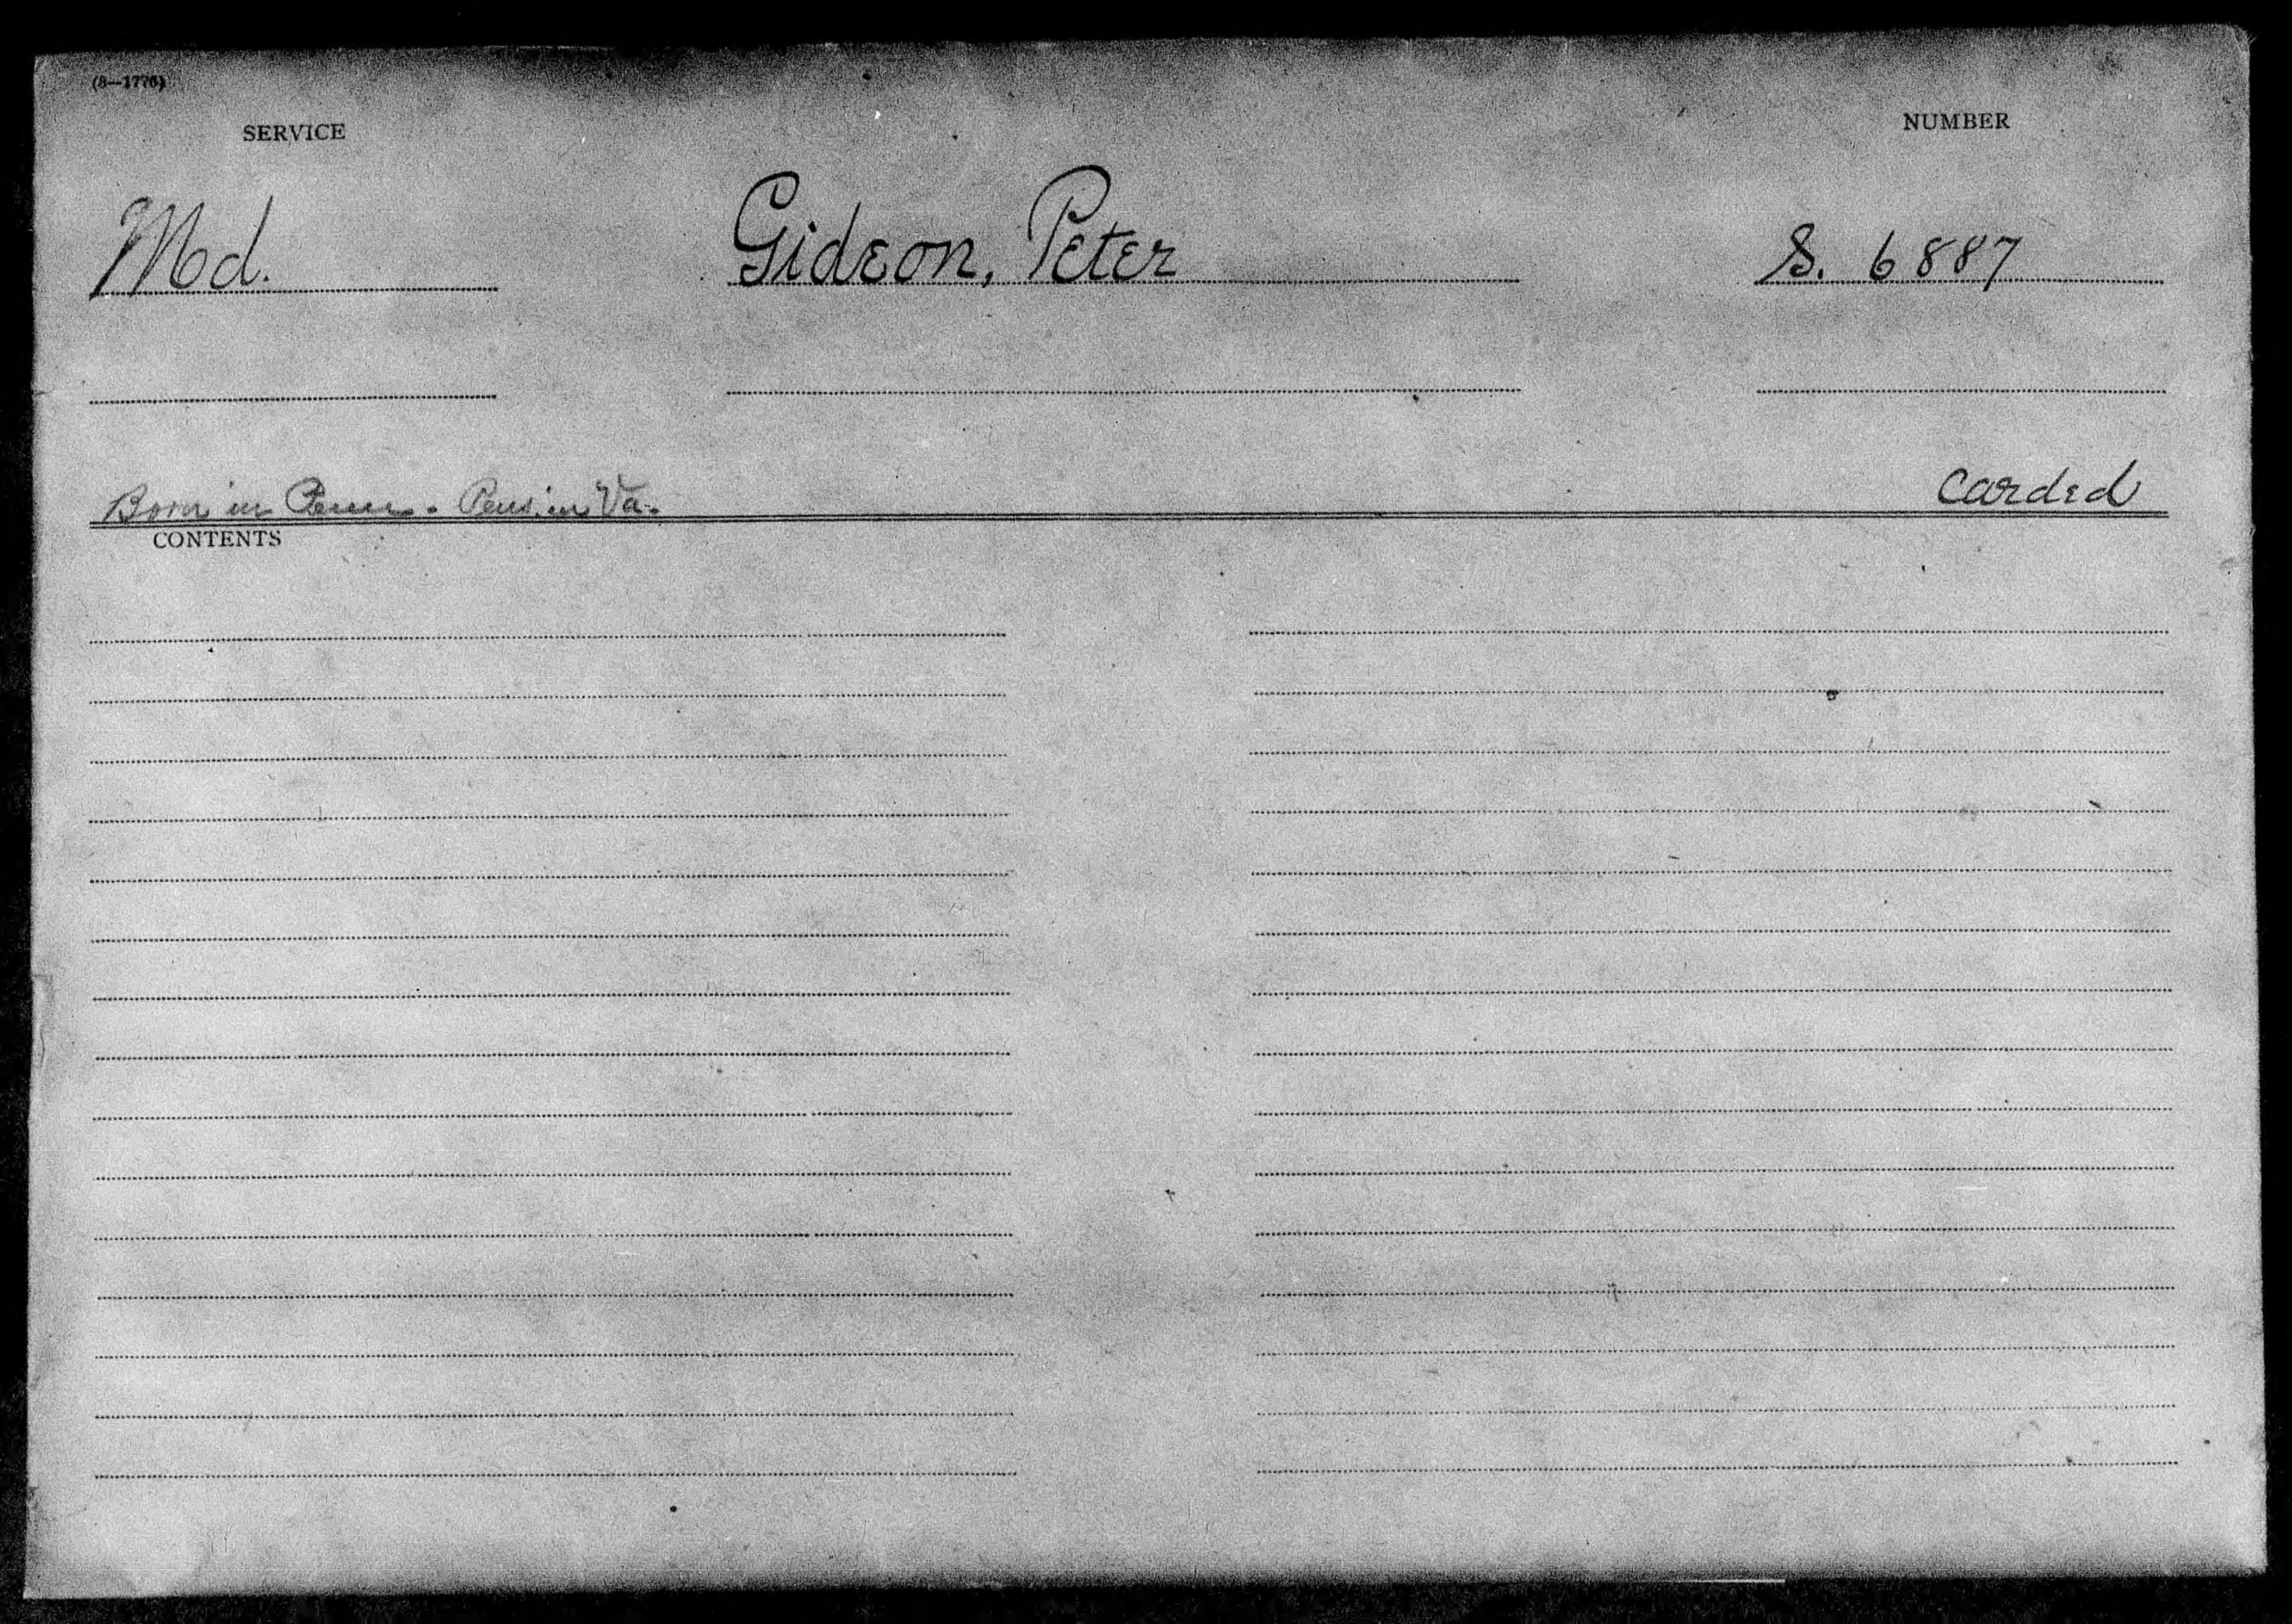Md.    Gideon, Peter     S. 6887

Born in Penn.  Pens. in Va.  carded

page: 1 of 64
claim: survivor's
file: S. 6887, Peter Gideon, Md.